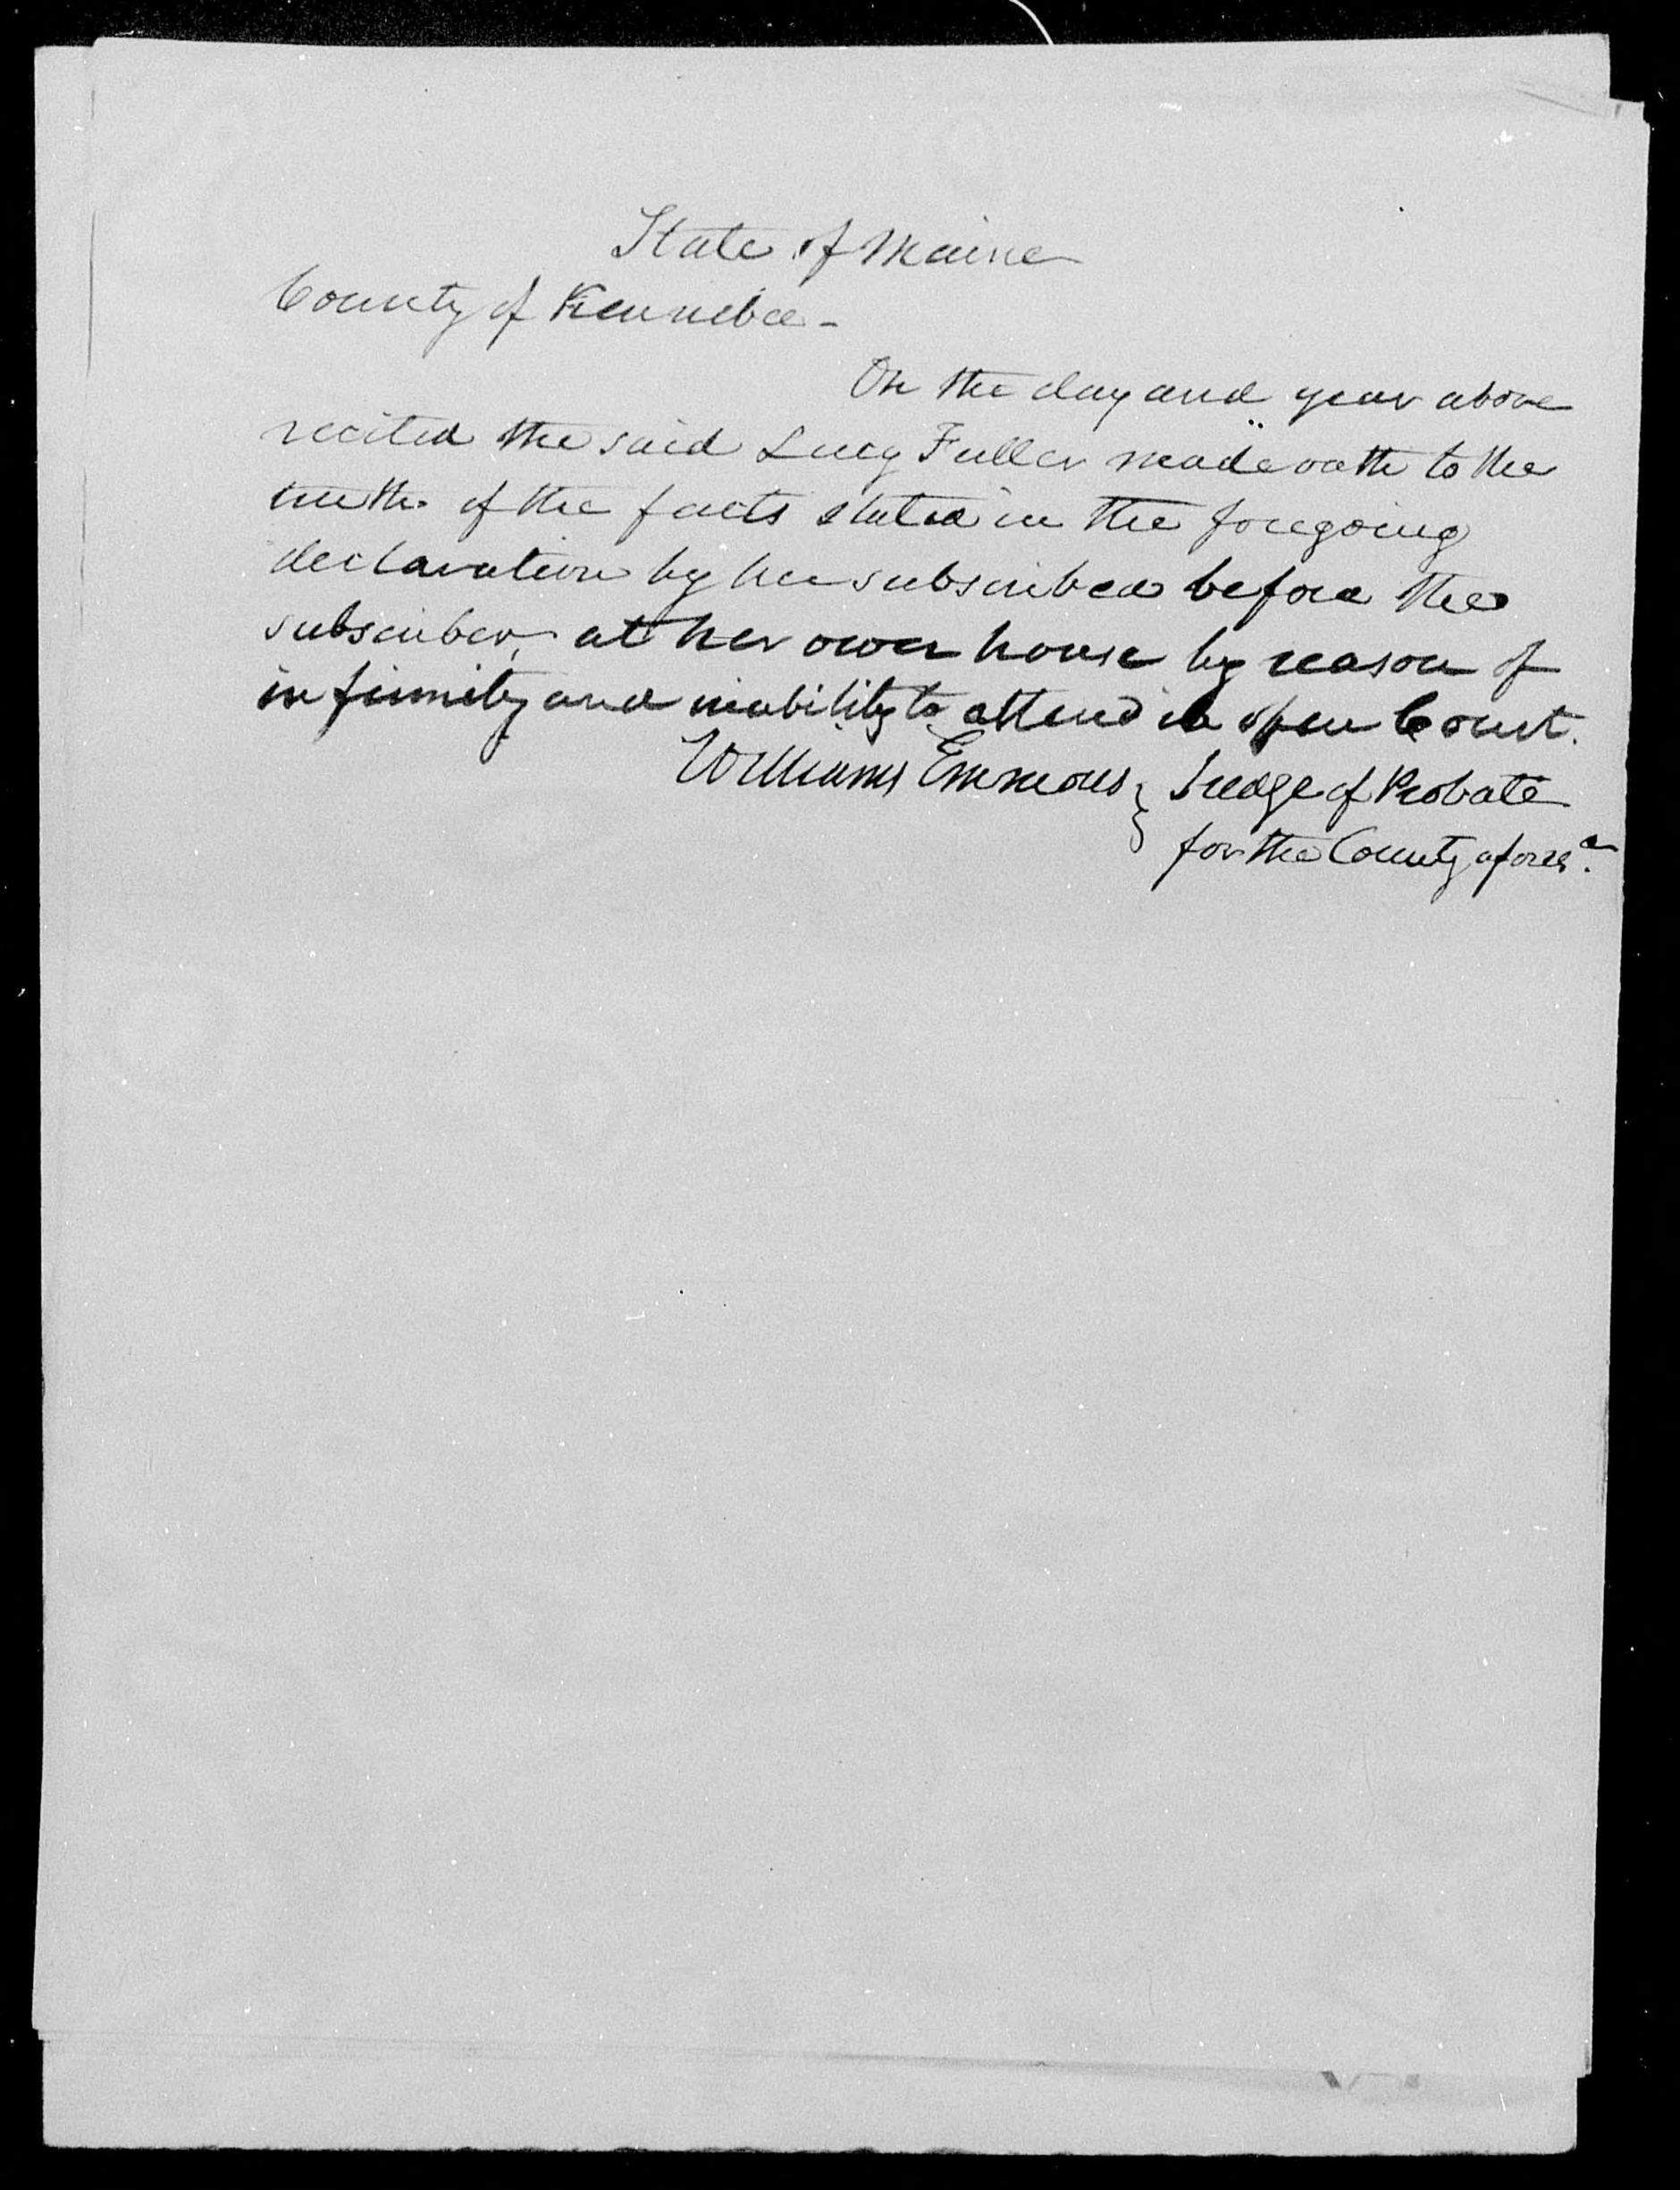State of Maine
County of Kennebec-
On the day and year above recited the said Lucy Fuller made oath to the truth of the facts stated in the foregoing declaration by her subscribed before the subscriber at her own house by reason of infirmity and inability to attend in open Court.
Williams Emmons } Judge of Probate for the County afores'd.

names: Lucy Fuller, Williams Emmons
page: 10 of 45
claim: widow's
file: W. 17933, William Fuller, Mass